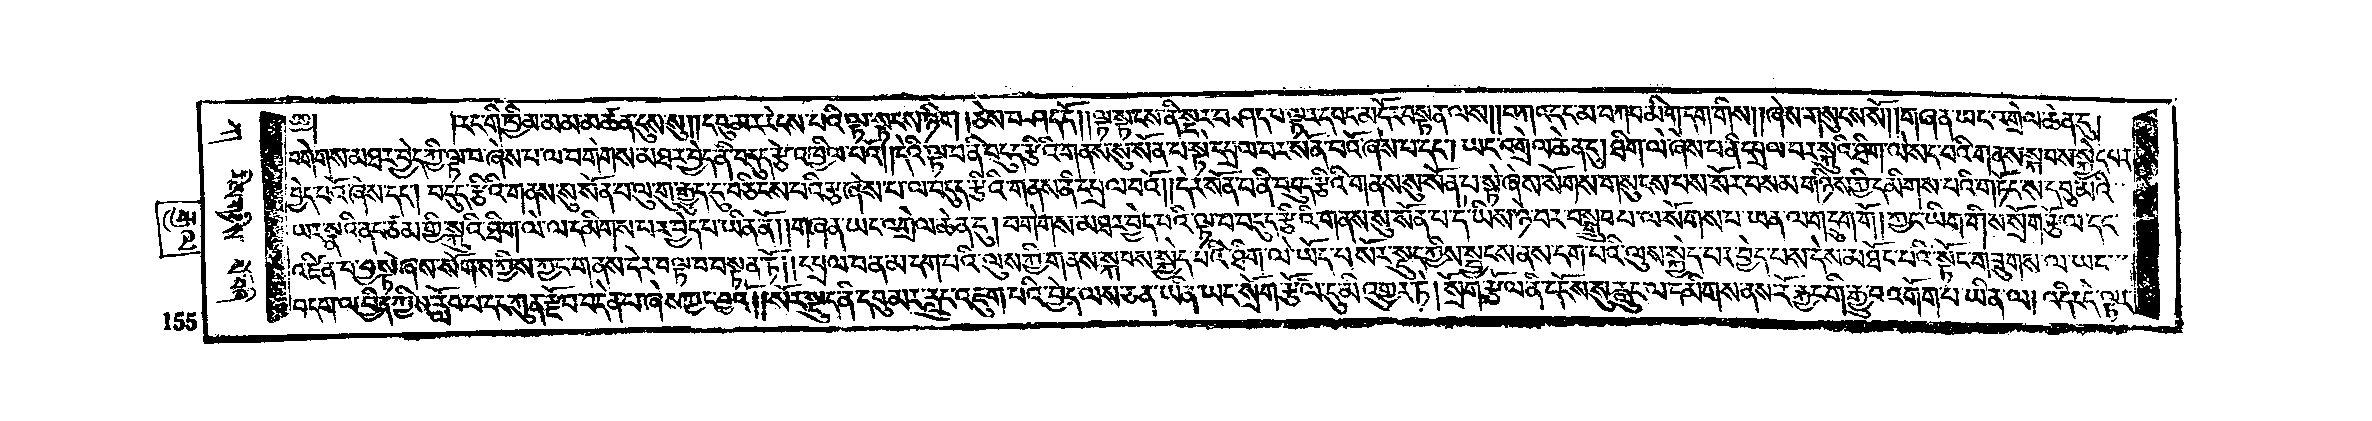༄༅། །རང་གི་ཁྱིམ་མ་མཚན་དུས་སུ། །དབུ་མར་རེངས་པའི་ལྟ་སྟངས་ཉིག །ཅེས་བཤད་དོ། །ལྟ་སྟངས་ནི་སྔར་བཤད་པ་ལྟར་དབང་མདོར་བསྟན་ལས། །བཀའ་དང་མ་བཀབ་མིག་དག་གིས། །ཞེས་གསུངས་སོ། །གཞན་ཡང་འགྲེལ་ཆེན་དུ།
བགེགས་མཐར་བྱེད་ཀྱི་ལྟ་བ་ཞེས་པ་ལ་བགེགས་མཐར་བྱེད་ནི་བདུད་རྩེ་འཁྱིལ་བའོ། །དེའི་ལྟ་བ་ནི་བདུད་རྩིའི་གནས་སུ་སོན་པ་སྟེ་དཔྲལ་བར་སོན་པའོ་ཞེས་པ་དང་། ཡང་འགྲེལ་ཆེན་དུ། ཐིག་ལེ་ཞེས་པ་ནི་དཔྲལ་བར་སྐུའི་ཐིག་ལེ་སད་པའི་གནས་སྐབས་སྐྱེད་པར་
བྱེད་པའོ་ཞེས་དང་། བདུད་རྩིའི་གནས་སུ་སོན་པ་ལུ་གུ་རྒྱུད་དུ་བཅིངས་པའི་རྩ་ཞེས་པ་ལ་བདུད་རྩིའི་གནས་ནི་དཔྲལ་བའོ། །དེར་སོན་པ་ནི་བདུད་རྩིའི་གནས་སུ་སོན་པ་སྟེ་ཞེས་སོགས་གསུངས་པས་སོར་བསམ་གཉིས་ཀྱི་དམིགས་པའི་གཏོང་ས་དབུ་མའི་
ཡར་སྣའི་ནང་ཙམ་གྱི་སྐུའི་ཐིག་ལེ་ལ་དམིགས་པར་བྱེད་པ་ཡིན་ནོ། །གཞན་ཡང་འགྲེལ་ཆེན་དུ། བགེགས་མཐར་བྱེད་པའི་ལྟ་བ་བདུད་རྩིའི་གནས་སུ་སོན་པ་དེ་ཡིས་ཉེ་བར་བསྒྲུབ་པ་ལ་སོགས་པ་ཡན་ལག་དྲུག་གོ །ཀྱང་ཡིག་གིས་སྲོག་རྩོལ་དང་
འཛིན་པ་བྱ་སྟེ་ཞེས་སོགས་ཀྱིས་ཀྱང་གནས་དེར་བལྟ་བ་བསྟན་ཏོ། །དཔྲལ་བ་ན་མ་དག་པའི་ལུས་ཀྱི་གནས་སྐབས་སྐྱེད་པའི་ཐིག་ལེ་ཡོད་པ་སོར་སྡུད་ཀྱིས་སྦྱངས་ནས་དག་པའི་ལུས་སྐྱེད་པར་བྱེད་པས་དེས་མཐོང་བའི་སྟོང་གཟུགས་ལ་ཡང་
བདག་ལ་བྱིན་གྱིས་རློབ་པ་དང་ཀུན་རྫོབ་བདེན་པ་ཞེས་ཀྱང་བྱའོ། །སོར་སྡུད་ནི་དབུ་མར་རླུང་འཇུག་པའི་བྱེད་ལས་ཅན་ཡིན་ཡང་སྲོག་རྩོལ་དུ་མི་འགྱུར་ཏེ། སྲོག་རྩོལ་ནི་དངོས་སུ་རླུང་ལ་དམིགས་ནས་རོ་རྐྱང་གི་རྒྱུ་བ་འགོག་པ་ཡིན་ལ། འདིར་དེ་ལྟར་